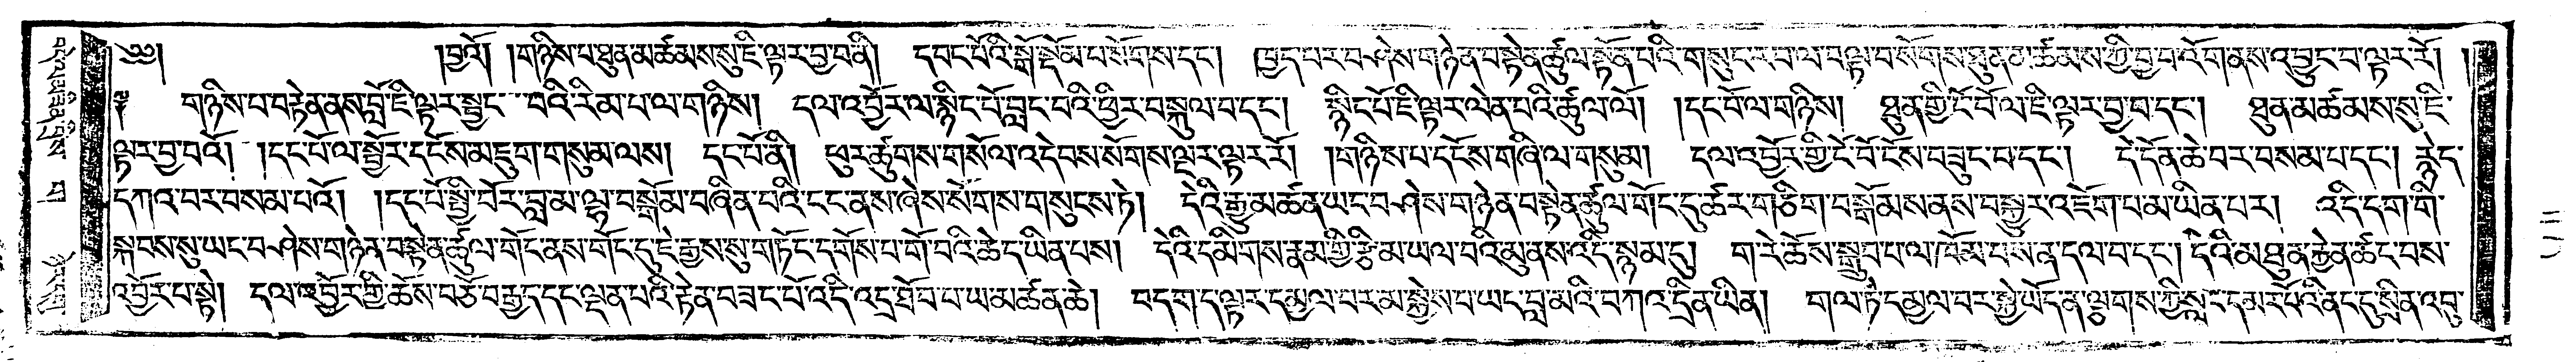༄༅། །བྱའོ། །གཉིས་པ་ཐུན་མཚམས་སུ་ཇི་ལྟར་བྱ་བ་ནི། དབང་བོའི་སྒོ་སྡོམ་བ་སོགས་དང་། ཁྱད་པར་བཤེས་གཉེན་བསྟེན་ཚུལ་སྟོན་བའི་གསུང་རབ་ལ་བལྟ་བ་སོགས་ཐུན་མཚམས་ཀྱི་བྱ་བ་འོག་ནས་འབྱུང་བ་ལྟར་རོ། །
༈ གཉིས་པ་བརྟེན་ནས་བློ་ཇི་ལྟར་སྦྱང་བའི་རིམ་པ་ལ་གཉིས། དལ་འབྱོར་ལ་སྙིང་པོ་བླང་བའི་ཕྱིར་བསྐུལ་བ་དང་། སྙིང་པོ་ཇི་ལྟར་ལེན་པའི་ཚུལ་ལོ། །དང་པོ་ལ་གཉིས། ཐུན་གྱི་ངོ་བོ་ལ་ཇི་ལྟར་བྱ་བ་དང་། ཐུན་མཚམས་སུ་ཇི་
ལྟར་བྱ་བའོ། །དང་པོ་ལ་སྦྱོར་དངོས་མཇུག་གསུམ་ལས། དང་པོ་ནི། ཕུར་ཚུགས་གསོལ་འདེབས་སོགས་ལྔར་ལྟར་རོ། །གཉིས་པ་དངོས་གཞི་ལ་གསུམ། དལ་འབྱོར་གྱི་ངོ་བོ་ངོས་བཟུང་བ་དང་། དེ་དོན་ཆེ་བར་བསམ་པ་དང་། རྙེད་
དཀའ་བར་བསམ་བའོ། །དང་པོ་སྤྱི་བོར་བླ་མ་ལྷ་བསྒོམ་བཞིན་བའི་ངང་ནས་ཞེས་སོགས་གསུངས་ཏེ། དེའི་རྒྱུ་མཚན་ཡང་བཤེས་གཉེན་བསྟེན་ཚུལ་གང་དུ་ཚར་གཅིག་བསྒོམས་ནས་བསྐྱུར་འཇོག་བམ་ཡིན་པར། འདི་དག་གི་
སྐབས་སུ་ལང་བཤེས་གཉེན་བསྟེན་ཚུལ་གོང་ནས་གོང་དུ་ཟེ་རྒྱས་སུ་གཏོང་དགོས་པ་གོ་བའི་ཆེད་ཡིན་པས། དེའི་དམིགས་རྣམ་གྱི་རྩི་མ་ཡལ་བའི་མུ་ནས་འདི་སྙམ་དུ། ག་རེ་ཆོས་སྒྲུབ་པ་ལ་ཁོམ་པས་ན་དལ་བ་དང་། དེའི་མཐུན་རྐྱེན་ཚང་བས་
འབྱོར་པ་སྟེ། དལ་འབྱོར་གྱི་ཆོས་བཅོ་བརྒྱད་དང་ལྡན་པའི་རྟེན་བཟང་པོ་འདི་འདྲ་ཐོབ་པ་ཡ་མཚན་ཆེ། བདག་ད་ལྟར་དམྱལ་བར་མ་སྐྱེས་པ་ཡང་བླ་མའི་བཀའ་དྲིན་ཡིན། གལ་ཏེ་དམྱལ་བར་སྐྱེ་ཡོད་ན་ལྕགས་ཀྱི་སླང་དམར་པོའི་ནང་དུ་སྲིན་འབུ་